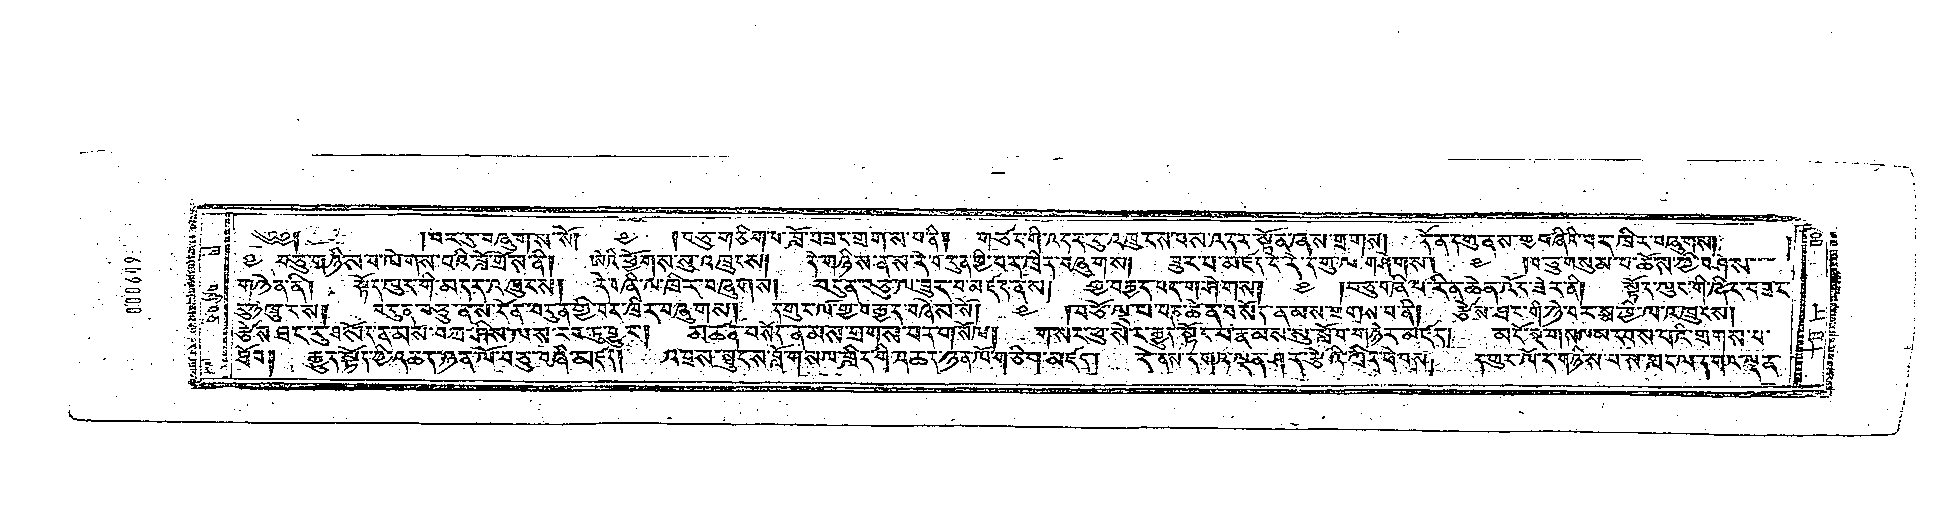༄༅། །བར་དུ་བཞུགས་སོ། ༧་།བཅུ་གཅིག་པ་བློ་བཟང་གྲགས་པ་ནི། གཙང་གི་འདར་དུ་འཁྲུངས་བས་འདར་སྟོན་ཞེས་གྲགས། དོན་དགུ་ནས་གྱ་བཞིའི་བར་ཁྲིར་བཞུགས།
༧་བཅུ་གཉིས་པ་ལེགས་པའི་བློ་གྲོས་ནི། ཨེའི་ཕྱོགས་སུ་འཁྲུངས། རེ་གཉིས་ནས་རེ་བདུན་གྱི་བར་ཁྲིར་བཞུགས། ཟུར་པ་མཛད་དེ་རེ་དགུ་ལ་གཤེགས། ༧་།བཅུ་གསུམ་པ་ཆོས་ཀྱི་བཤེས་
གཉེན་ནི། སྟོད་ལུང་གི་མདར་འཁྲུངས། དེ་བཞི་ལ་ཁྲིར་བཞུགས། བདུན་བཅུ་ལ་ཟུར་པ་མཛད་ནས། གྱ་བརྒྱད་པད་གཤེགས། ༧་།བཅུ་བཞི་པ་རིན་ཆེན་འོད་ཟེར་ནི། སྟོང་ལུང་གི་ཞིང་བཟང་
དུ་འཁྲུངས། བདུན་བཅུ་ནས་དོན་བདུན་གྱི་བར་ཁྲིར་བཞུགས། དགུང་ལོ་གྱ་བརྒྱད་བཞེས་སོ། ༧་།བཅོ་ལྔ་པ་པཎ་ཆེན་བསོད་ནམས་གྲགས་པ་ནི། རྩེས་ཐང་གི་ཉེ་བར་སྨ་ཁྱི་ལ་འཁྲུངས།
རྩེས་ཐང་དུ་བསོད་ནམས་བཀྲ་ཤིས་ལས་རབ་ཏུ་བྱུང་། མཚན་བསོད་ནམས་གྲགས་པར་གསོལ། གསང་ཕུ་སེར་རྒྱུད་སྟོང་པ་རྣམས་སུ་སློབ་གཉེར་མཛད། མདོ་སྔགས་ལམ་དབས་པའི་གྲགས་པ་
ཐོབ། རྒྱུད་སྟོད་ཀྱི་འཆད་ཉན་ལོ་བཅུ་བཞི་མཛད། འབྲས་སྤུངས་བློ་གསལ་གླིང་གི་འཆང་ཉན་ལོ་གཅིག་མཛད། དེ་ནས་དགའ་ལྡན་ཤར་རྩེའི་ཁྲིར་ཕེབས། དགུང་ལོ་ང་གཉིས་པས་གླང་ལ་དགའ་ལྡན་